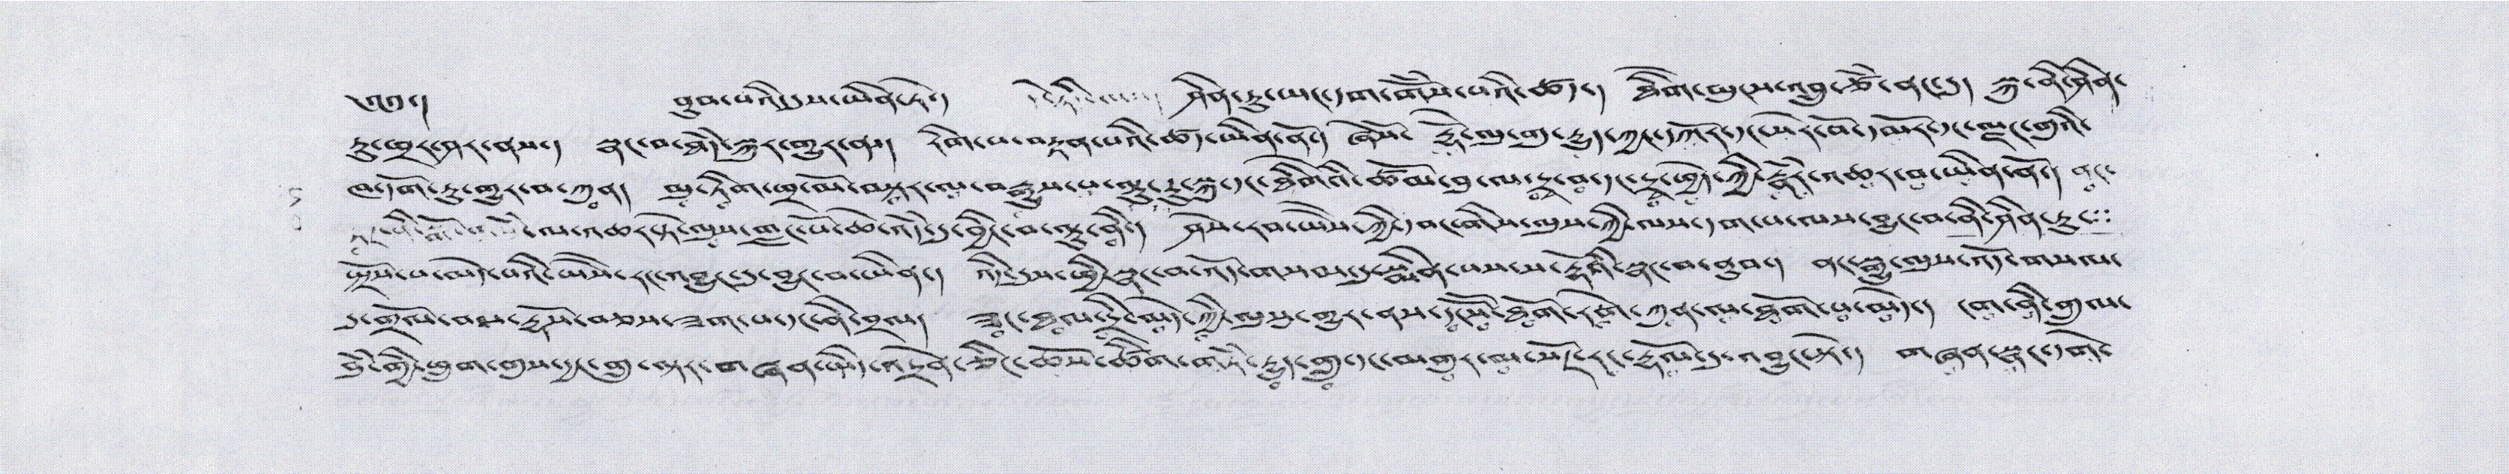ནུབ་པའི་དུས་ཡིན་ཏེ། དེ་ཉིད་ལས། ཤིན་ཏུ་ཡང་དག་གོམས་པའི་ཚད། ཐིག་ལེ་ཡུངས་འབྲུ་ཙམ་ནང་དུ། སྐུ་ནི་ཤིན་
ཏུ་ཕྲར་ཤར་ནས། སྣང་བ་ཐམས་ཅད་སྐུར་གྱུར་ན། རིག་པ་བརྟན་པའི་ཚད་ཡིན་ནོ། ཞེས་སོ། རྡོ་རྗེ་ལུ་གུ་རྒྱུད་ཀྱང་དཀར་པོ་དང་སེར་པོ་དམར་པོ་ལྗང་ཁུའི་
ཁ་དོག་ཏུ་གྱུར་པ་ཀུན། མུ་ཏིག་ཕྲ་མོ་བསྟར་ལ་བརྒྱུས་པ་ལྟ་བུ་རུ་སྐུ་དང་ཐིག་ལེའི་ཚོམ་བུ་ལ་དྲྭ་བ་དང་དྲྭ་ཕྱེད་ཀྱི་རྣམ་པར་འཆར་བ་ཡིན་ནོ། ནང་
རྟགས་ནི་སྒོ་གསུམ་ལ་འཆར་ཏེ། ལུས་གླང་པོ་ཆེ་འདམ་དུ་བྱིངས་པ་ལྟ་བུ་ནི། ཤེས་རབ་ཡེ་ཤེས་ཀྱི་དབང་གིས་ལུས་ཀྱི་ལས་དག་པ་ལས་བྱུང་བ་ནི་ཤིན་ཏུ་
སྤྲོས་པ་མེད་པའི་ཡེ་ཤེས་རང་འབྱུང་དུ་བྱུང་བ་ཡིན། འདི་དུས་ཕྱི་སྣང་བ་འོད་གསལ་དུ་སྨིན་པས་ས་རྡོའི་སྣང་བ་ནུབ། ནང་སྒྱུ་ལུས་འོད་གསལ་
དུ་གྲོལ་བས་རྡོས་བཅས་ཟག་པ་དང་ནི་བྲལ། ཟང་ཐལ་དྲི་མེད་ཀྱི་ལུས་སུ་གྱུར་ནས་དངོས་པོ་ཐོག་རེག་ཀུན་ལ་ཐོགས་པ་མེད། ངག་ནི་གྲུལ་
བུམ་གྱི་ཕྲུ་གུའི་རྒྱང་གླུ་ལྟར་གཞན་ཡིད་འདྲེན་ཅིང་ཆོས་ཚིག་གཏམ་རྒྱུད་གླུ་དང་མགུར་མ་སོགས་རང་རྡོལ་དུ་འབྱུང་སྟེ། གཞན་སྣང་དགེ་